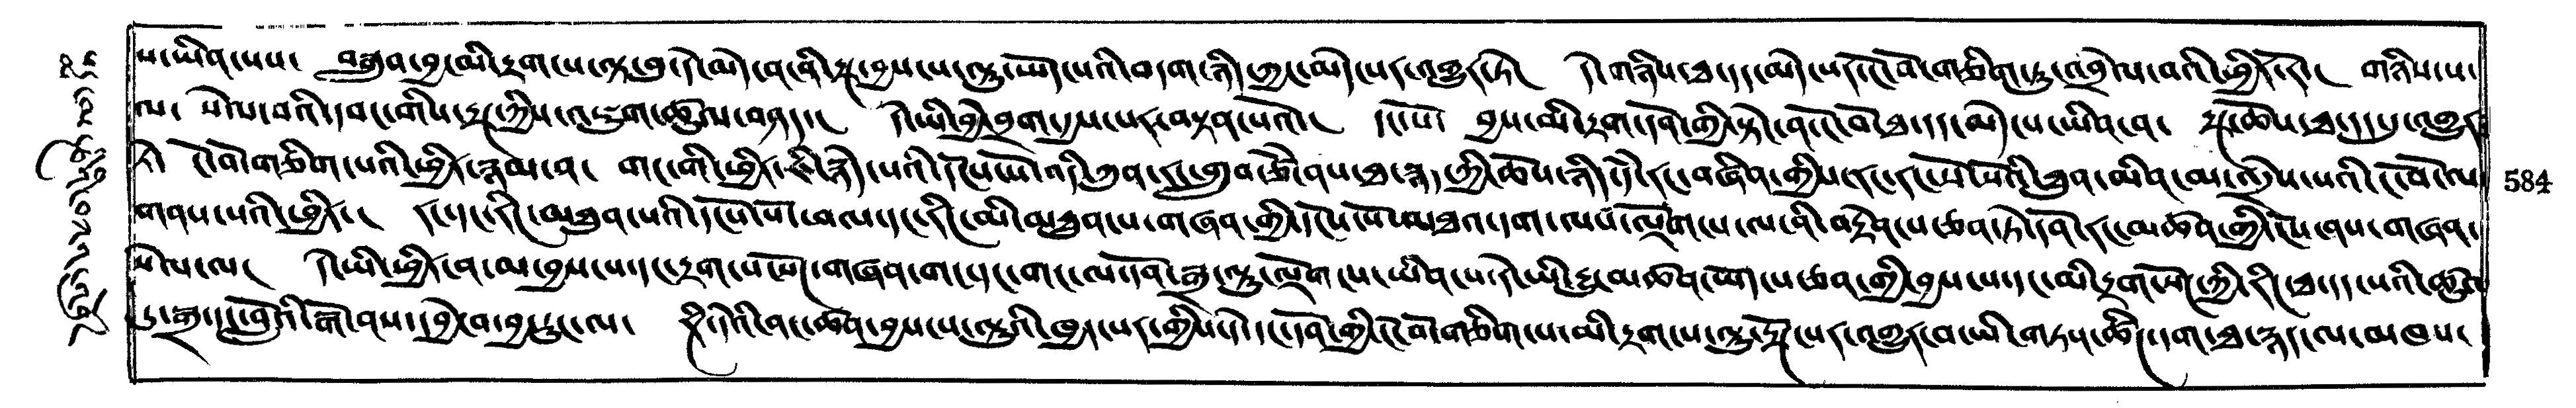བ་ཡིན་པས། བསྒྲུབ་བྱ་མི་རྟག་པ་ལྟ་བུ་དེ་མེད་ན་ནི་རྟགས་བྱས་པ་ལྟ་བུ་ཡོད་པའི་བདག་ཉིད་ཀྱང་མེད་པར་འགྱུར་ཏེ། དེ་གཉིས་ཐ་དད་མེད་པར་ངོ་བོ་གཅིག་ཏུ་འབྲེལ་བའི་ཕྱིར་རོ།། གཉིས་པ་
ལ། སེལ་བའི་དབང་གིས་རྟགས་ཀྱིས་འཇུག་ཚུལ་བཤད། །དེ་ཡི་བྱེ་བྲག་རྒྱས་པར་བསྟན་པའོ། །དང་པོ། བྱས་མི་རྟག་དོན་གྱི་སྟེང་ན་ངོ་བོ་ཐ་དད་མེད་པ་ཡིན་ན། རྟགས་ཆོས་ཐ་དད་དུ་འགྱུར་
ཏེ། ངོ་བོ་གཅིག་པའི་ཕྱིར་སྙམ་ན། གང་གི་ཕྱིར་ཇི་སྙེད་པའི་དངོས་པོ་འདི་ཀུན་རང་གྲུབ་ཙམ་ནས་ཐ་སྙད་ཀྱི་ཆོས་ཉིད་དམ་རང་བཞིན་གྱིས་རང་རང་སོ་སོའི་ཐུན་མིན་མ་འདྲེས་པའི་ངོ་བོ་ལ་
གནས་པའི་ཕྱིར། རང་དང་རིགས་མཐུན་པའི་དངོས་པོ་ཕལ་དང་རིགས་མི་མཐུན་པ་གཞན་གྱི་དངོས་པོ་མཐའ་དག་ལས་ལྡོག་པ་ལ་ནི་བརྟེན་པ་ཅན་ཏེ་དོན་རང་མཚན་གྱི་ངོས་ནས་གཞན་
སེལ་ལ། དེའི་ཕྱིར་ན་མ་བྱས་པ་དང་རྟག་པ་སོགས་གཞན་གང་དང་གང་ལ་དོན་སྒྲ་ལྟ་བུ་ལྡོག་པ་ཡིན་པ་དེའི་རྒྱུ་མཚན་ཡོད་པ་ཅན་གྱི་བྱས་པ་དང་མི་རྟག་སོགས་ཀྱི་རིགས་ཐ་དད་པའི་ཚུལ་
དུ་སྒྲ་དང་བློའི་སྒོ་ནས་དབྱེ་བ་བྱ་རུང་ལ།རིགས་དེའི་ནང་ཚན་བྱས་པ་ལྟ་བུའི་ཁྱད་པར་གྱིས་དེ་དང་དོན་གྱི་ངོ་བོ་གཅིག་པ་མི་རྟག་པ་ལྟ་བུ་རྟོགས་པར་འགྱུར་བའི་གཏན་ཚིགས་དག་ཐ་སྙད་ལ་མཁས་